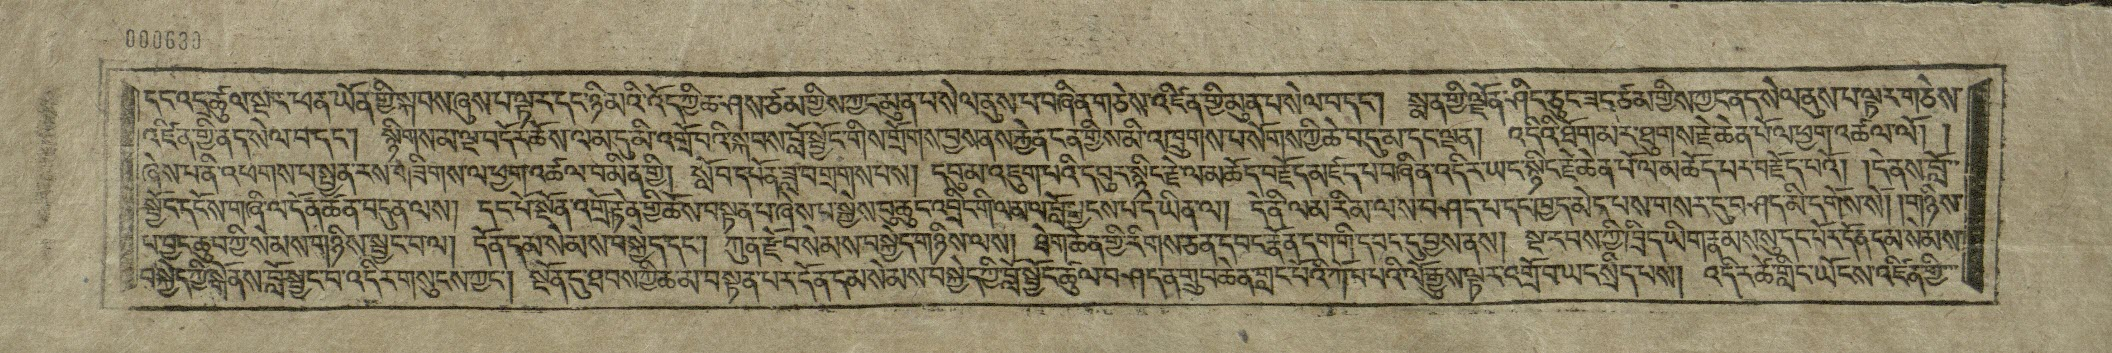དང་འདྲ་ཚུལ་སྔར་ཕན་ཡོན་གྱི་སྐབས་ཞུས་པ་ལྟར་དང་ཉི་མའི་འོད་ཀྱི་ཆ་ཤས་ཙམ་གྱིས་ཀྱང་མུན་པ་སེལ་ནུས་པ་བཞིན་གཅེས་འཛིན་གྱི་མུན་པ་སེལ་བ་དང་། སྨན་གྱི་ལྗོན་ཤིང་ཅུང་ཟད་ཙམ་གྱིས་ཀྱང་ནད་སེལ་ནུས་པ་ལྟར་གཅེས་
འཛིན་གྱི་ནད་སེལ་བ་དང་། སྙིགས་མ་ལྔ་བདོར་ཆོས་ལམ་དུ་མི་འགྲོ་བའི་སྐབས་བློ་སྦྱོང་གིས་གྲོགས་བྱས་ནས་རྐྱེན་ངན་གྱིས་མི་འཁྲུགས་པ་སོགས་ཀྱི་ཆེ་བ་དུ་མ་དང་ལྡན། འདིའི་ཐོག་མར་ཐུགས་རྗེ་ཆེན་པོ་ལ་ཕྱག་འཚལ་ལོ། །
ཞེས་པ་ནི་འཕགས་པ་སྤྱན་རས་གཟིགས་ལ་ཕྱག་འཚལ་བ་མིན་གྱི། སློབ་དཔོན་ཟླ་བ་གྲགས་པས། དབུ་མ་འཇུག་པའི་དབུར་སྙིང་རྗེ་ལ་མཆོད་བརྗོད་མཛད་པ་བཞིན་འདིར་ཡང་སྙིང་རྗེ་ཆེན་པོ་ལ་མཆོད་པར་བརྗོད་པའོ། །དེ་ནས་བློ་
སྦྱོང་དངོས་གཞི་ལ་དོན་ཚན་བདུན་ལས། དང་པོ་སྔོན་འགྲོ་རྟེན་གྱི་ཆོས་བསྟན་པ་ཞེས་པ་སྐྱེས་བུ་ཆུང་འབྲིང་གི་ལམ་ལ་བློ་སྦྱངས་པ་དེ་ཡིན་ལ། དེ་ནི་ལམ་རིམ་ལས་བཤད་པ་དང་ཁྱད་མེད་པས་གསར་དུ་བཤད་མི་དགོས་སོ། །གཉིས་
པ་བྱང་ཆུབ་ཀྱི་སེམས་གཉིས་སྦྱང་བ་ལ། དོན་དམ་སེམས་བསྐྱེད་དང་། ཀུན་རྫོབ་སེམས་བསྐྱེད་གཉིས་ལས། ཐེག་ཆེན་གྱི་རིགས་ཅན་དབང་རྣོན་དག་གི་དབང་དུ་བྱས་ནས། སྔ་རབས་ཀྱི་ཁྲིད་ཡིག་རྣམས་སུ་དང་པོར་དོན་དམ་སེམས་
བསྐྱེད་ཀྱི་སྒོ་ནས་བློ་སྦྱང་བ་འདིར་གསུངས་ཀྱང་། སྔོན་དུ་ཐབས་ཀྱི་ཆ་མ་བསྟན་པར་དོན་དམ་སེམས་བསྐྱེད་ཀྱི་བློ་སྦྱོང་ཚུལ་བཤད་ན་གྲུབ་ཆེན་གླང་པོའི་ཀོ་བ་པའི་ལོ་རྒྱུས་ལྟར་འགྲོ་བ་ཡང་སྲིད་པས། འདིར་ཚེ་གླིང་ཡོངས་འཛིན་གྱི་